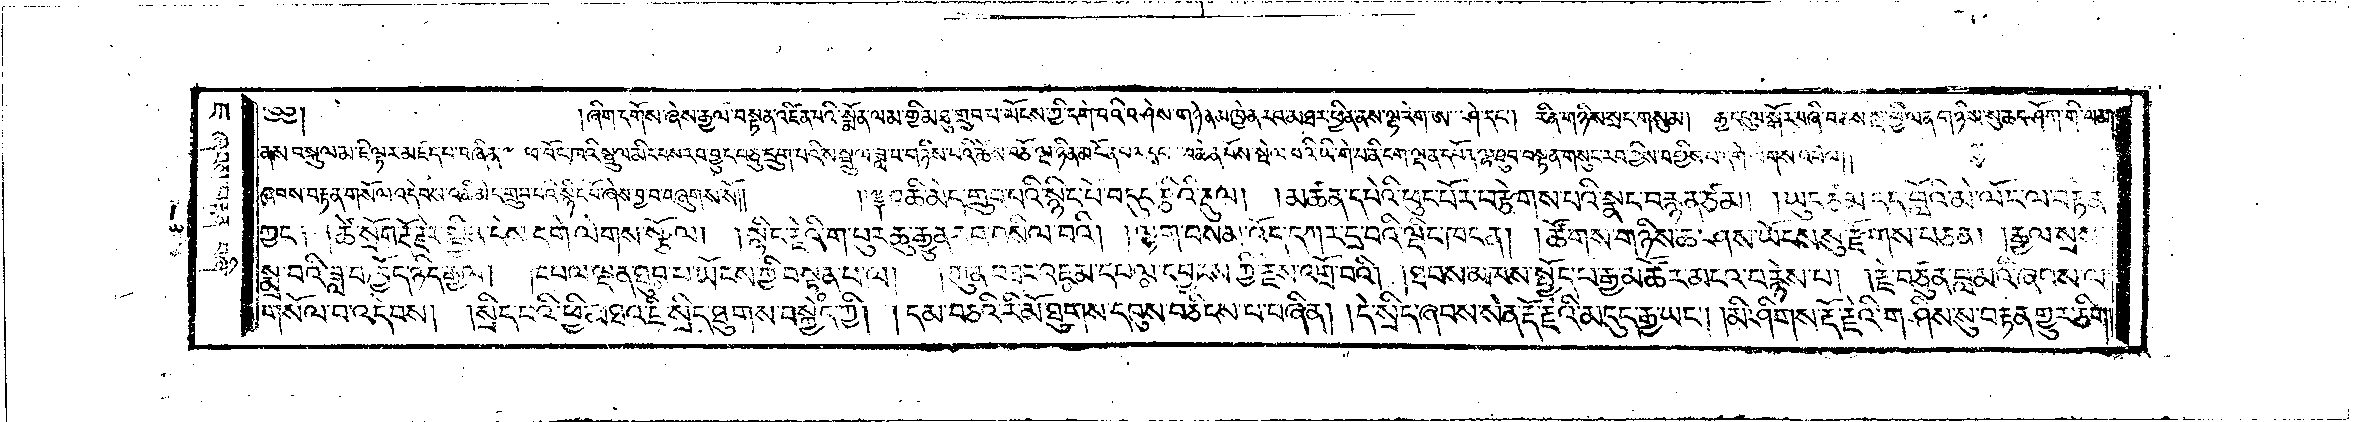༄༅། །ཞིག་དགོས་ཞེས་རྒྱལ་བསྟན་འཛིན་པའི་སྨོན་ལམ་གྱི་མཐུ་གྲུབ་པ་ཡོངས་ཀྱི་དགེ་བའི་བཤེས་གཉེན་མཁྱེན་རབ་མཐར་ཕྱིན་ནས་ལྷ་རེག་ཨ་ཤེ་དང་། རིན་གཉིས་སྲང་གསུམ། རྒྱ་དངུལ་སྒོར་བཞི་བཅས་སྔ་ཕྱི་ལན་གཉིས་སུ་ཆབ་ཤོག་གི་ལམ་
ནས་བསྐུལ་མ་ཇི་ལྟར་མཛད་པ་བཞིན ༧ཕ་བོང་ཁའི་སྤྲུལ་མིང་པས་རབ་བྱུང་བཅུ་དྲུག་པའི་ས་སྦྲུལ་ཟླ་བ་གཉིས་པའི་ཚེས་བཅོ་ལྔ་ཉིན་མངོན་པར་དྭངས་བ་ཆེན་པོས་སྤེལ་བའི་ཡི་གེ་པ་ནི་ངག་ལྡན་དཔོན་ལྷ་ཐུབ་བསྟན་གསུང་རབ་ཀྱིས་བགྱིས་པ་དགེ་ལེགས་འཕེལ།། ༈ །།
ཞབས་བརྟན་གསོལ་འདེབས་འཆི་མེད་གྲུབ་པའི་སྙིང་པོ་ཞེས་བྱ་བ་བཞུགས་སོ།། །། ༈ འཆི་མེད་གྲུབ་པའི་སྙིང་པོ་བདུད་རྩིའི་རྔུལ། །མཚན་དཔེའི་ཕུང་པོར་བརྩེགས་པའི་སྣང་བརྙན་ཙམ། །ཡུད་ཙམ་དད་བློའི་མེ་ལོང་ལ་བརྟེན་
ཀྱང༑ ༑ཚེ་སྲོག་རྡོ་རྗེར་སྦྱིན་དེས་དགེ་ལེགས་སྩོལ། །སྙིང་རྗེའི་ག་པུར་ཆུ་རྒྱུན་རབ་བསིལ་བའི། །ལྷག་བསམ་འོད་དཀར་དྲ་བའི་ལྡིང་ཁང་ན། །ཚོགས་གཉིས་ཆ་ཤས་ཡོངས་སུ་རྫོགས་པ་ཅན། །རྒྱལ་སྲས་
སྨྲ་བའི་ཟླ་བ་ཁྱོད་ཉིད་རྒྱལ། །དཔལ་ལྡན་ཐུབ་པ་ཡོངས་ཀྱི་བསྟན་པ་ལ། །ཀུན་བཟང་འཇམ་དཔལ་དབྱངས་ཀྱི་རྗེས་འགྲོ་བའི། །ཐབས་མཁས་སྤྱོད་པ་རྒྱ་མཚོར་མངའ་བརྙེས་པ། །རྗེ་བཙུན་བླ་མའི་ཞབས་ལ་
གསོལ་བ་འདེབས། །སྲིད་པའི་ཕྱི་མཐའ་ཇི་སྲིད་ཐུགས་བསྐྱེད་ཀྱི། །དམ་བཅའི་རི་མོ་ཐུགས་དབུས་བཅིངས་བ་བཞིན། །དེ་སྲིད་ཞབས་སེན་རྡོ་རྗེའི་མདུད་རྒྱ་ཡང་། །མི་ཤིགས་རྡོ་རྗེའི་གཤིས་སུ་བརྟན་གྱུར་ཅིག་